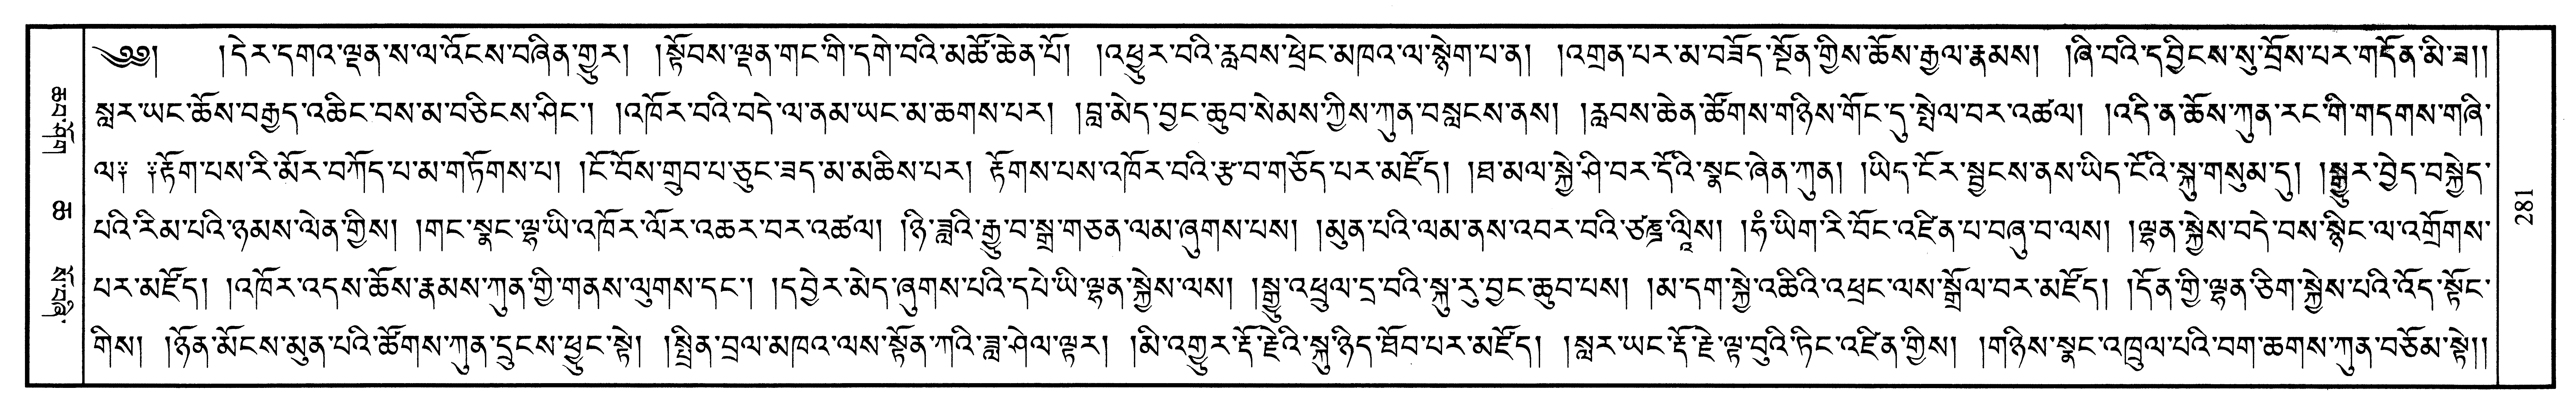༄༅། །དེར་དགའ་ལྡན་ས་ལ་འོངས་བཞིན་གྱུར། །སྟོབས་ལྡན་གང་གི་དགེ་བའི་མཚོ་ཆེན་པོ། །འཕྱུར་བའི་རླབས་ཕྲེང་མཁའ་ལ་སྙེག་པ་ན། །འགྲན་པར་མ་བཟོད་སྔོན་གྱིས་ཆོས་རྒྱལ་རྣམས། །ཞི་བའི་དབྱིངས་སུ་བྲོས་པར་གདོན་མི་ཟ།།
སླར་ཡང་ཆོས་བརྒྱད་འཆིང་བས་མ་བཅིངས་ཤིང་། །འཁོར་བའི་བདེ་ལ་ནམ་ཡང་མ་ཆགས་པར། །བླ་མེད་བྱང་ཆུབ་སེམས་ཀྱིས་ཀུན་བསླངས་ནས། །རླབས་ཆེན་ཚོགས་གཉིས་གོང་དུ་སྤེལ་བར་འཚལ། །འདི་ན་ཆོས་ཀུན་རང་གི་གདགས་གཞི་
ལ། །རྟོག་པས་རི་མོར་བཀོད་པ་མ་གཏོགས་པ། །ངོ་བོས་གྲུབ་པ་ཅུང་ཟད་མ་མཆིས་པར། །རྟོགས་པས་འཁོར་བའི་རྩ་བ་གཅོད་པར་མཛོད། །ཐ་མལ་སྐྱེ་ཤི་བར་དོའི་སྣང་ཞེན་ཀུན། །ཡིད་ངོར་སྦྱངས་ནས་ཡིད་ངོའི་སྐུ་གསུམ་དུ། །སྒྱུར་བྱེད་བསྐྱེད་
པའི་རིམ་པའི་ཉམས་ལེན་གྱིས། །གང་སྣང་ལྷ་ཡི་འཁོར་ལོར་འཆར་བར་འཚལ། །ཉི་ཟླའི་རྒྱུ་བ་སྒྲ་གཅན་ལམ་ཞུགས་པས། །མུན་པའི་ལམ་ནས་འབར་བའི་ཙཎྜ་ལཱིས། །ཧཾ་ཡིག་རི་བོང་འཛིན་པ་བཞུ་བ་ལས། །ལྷན་སྐྱེས་བདེ་བས་སྙིང་ལ་འགྲོགས་
པར་མཛོད། །འཁོར་འདས་ཆོས་རྣམས་ཀུན་གྱི་གནས་ལུགས་དང་། །དབྱེར་མེད་ཞུགས་པའི་དཔེ་ཡི་ལྷན་སྐྱེས་ལས། །སྒྱུ་འཕྲུལ་དྲ་བའི་སྐུ་རུ་བྱང་ཆུབ་པས། །མ་དག་སྐྱེ་འཆིའི་འཕྲང་ལས་སྒྲོལ་བར་མཛོད། །དོན་གྱི་ལྷན་ཅིག་སྐྱེས་པའི་འོད་སྟོང་
གིས། །ཉོན་མོངས་མུན་པའི་ཚོགས་ཀུན་དྲུངས་ཕྱུང་སྟེ། །སྤྲིན་བྲལ་མཁའ་ལས་སྟོན་ཀའི་ཟླ་ཤེལ་ལྟར། །མི་འགྱུར་རྡོ་རྗེའི་སྐུ་ཉིད་ཐོབ་པར་མཛོད། །སླར་ཡང་རྡོ་རྗེ་ལྟ་བུའི་ཏིང་འཛིན་གྱིས། །གཉིས་སྣང་འཁྲུལ་པའི་བག་ཆགས་ཀུན་བཅོམ་སྟེ།།